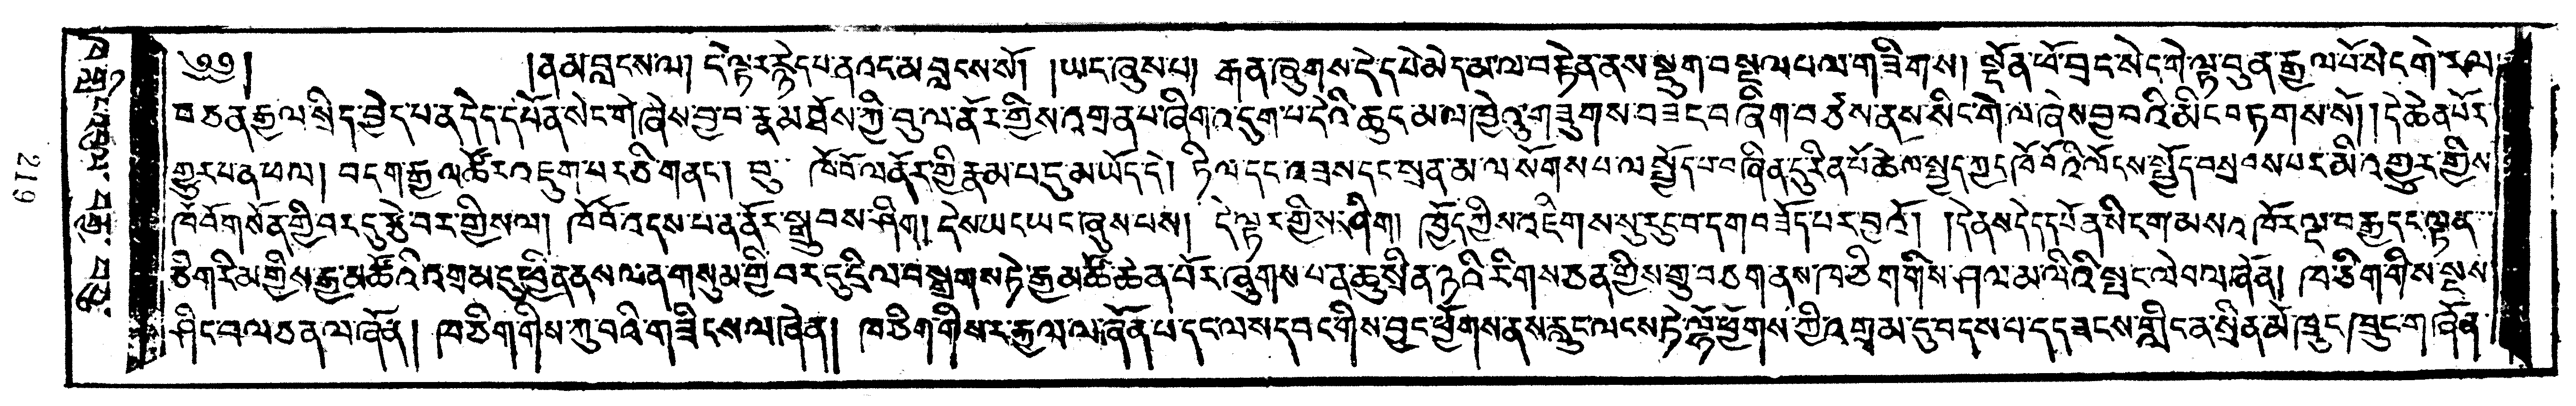༄༅། །ནམ་བླངས་ལ། དེ་ལྟར་རྙེད་པ་ནའང་མ་བླངས་སོ། །ཡང་ཞུས་པ། རྒན་ཞུགས་དེ་དཔེ་མེད་མ་ལ་བརྟེན་ནས་སྡུག་བསྔལ་པ་ལ་གཟིགས། སྔོན་ཕོ་བྲང་སེང་གེ་ལྟ་བུ་ན་རྒྱལ་པོ་སེང་གེ་རལ་
བཅན་རྒྱལ་སྲིད་བྱེད་པ་ན་དེད་དཔོན་སེང་གེ་ཞེས་བྱ་བ་རྣམ་ཐོས་ཀྱི་བུ་ལ་ནོར་གྱིས་འགྲན་པ་ཞིག་འདུག་པ་དེའི་ཆུད་མ་ལ་ཁྱེའུ་གཟུགས་བཟང་བཞིག་བཙས་ནས་སིང་གེ་ལ་ཞེས་བྱ་བའི་མིང་བཏགས་སོ། །དེ་ཆེན་པོར་
གྱུར་པ་ན་ཕལ། བདག་རྒྱལ་ཚོར་འཇུག་པར་ཅི་གནང་། བུ་ཁོ་བོ་ལ་ནོར་གྱི་རྣམ་པ་དུ་མ་ཡོད་དེ། ཏིལ་དང་འབྲས་དང་སྲན་མ་ལ་སོགས་པ་ལ་སྤྱོད་པ་བཞིན་དུ་རིན་པོ་ཆེ་ལ་སྤྱད་ཀྱང་ཁོ་བོའི་ལོངས་སྤྱོད་བསྲབས་པར་མི་འགྱུར་གྱིས་
ཁོ་བོ་གསོན་གྱི་བར་དུ་རྩེ་བར་གྱིས་ལ། ཁོ་བོ་འདས་པ་ན་ནོར་སྒྲུབས་ཤིག །དེས་ཡང་ཡང་ཞུས་པས། དེ་ལྟར་གྱིས་ཤིག །ཁྱོད་ཀྱིས་འཇིགས་སུ་རུང་བ་དག་བཟོད་པར་བྱའོ། །དེ་ནས་དེད་དཔོན་སི་ངག་མས་འཁོར་ལྔ་བརྒྱ་དང་ལྟན་
ཅིག་རིམ་གྱིས་རྒྱ་མཚོའི་འགྲམ་དུ་ཕྱིན་ནས་ལན་གསུམ་གྱི་བར་དུ་དྲིལ་བསྒྲགས་ཏེ་རྒྱ་མཚོ་ཆེན་པོར་ཞུགས་པ་ན་ཆུ་སྲིན་ཉའི་རིགས་ཅན་གྱིས་གྲུ་བཅག་ནས་ཁ་ཅིག་གིས་ཤལ་མ་ལིའི་སྤང་ལེ་བལ་ཞོན། ཁ་ཅིག་གི་ས་སྔས་
ཤིང་བལ་ཅན་ལ་ཞོན། ཁ་ཅིག་གིས་ཀུ་བའི་གཟིངས་ལ་ཞེན། ཁ་ཅིག་གིས་ང་རྐྱལ་ལ་ཞོན་པ་དང་ལས་དབང་གིས་བྱང་ཕྱོགས་ནས་རླུང་ལངས་ཏེ་ལྷོ་ཕྱོགས་ཀྱི་འགྲྭམ་དུ་བདས་པ་དད་ཟངས་གླིང་ན་སྲིན་མོ་ཁྲུང་ཁྲུང་གཞོན་